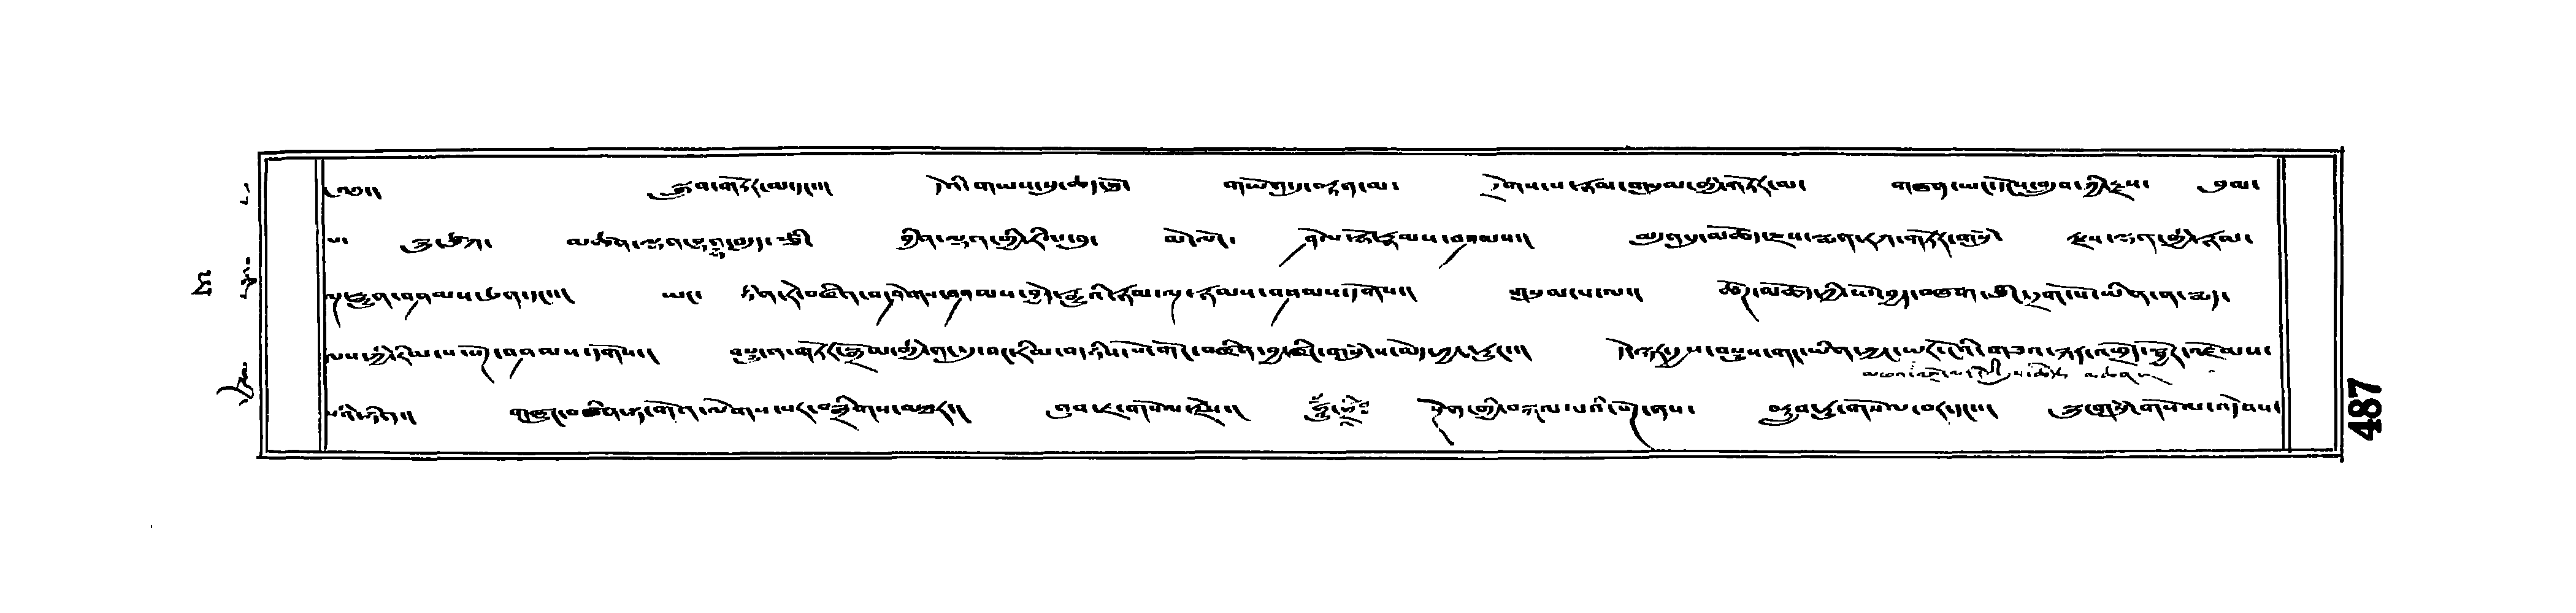སྒྲུབ་གཏོར་མ་དང་། དེའི་གཡས་སུ་ཆད་ཐོ། གཡོན་དུ་བརྟན་མ། དྲེགས་པ་རྣམ་གསུམ་གྱི་གཏོར་མ། གཞན་ཡང་དངོས་གྲུབ་ཀྱི་རྫས། བུམ་
པ། སྐུ་ཙཀ མཚན་ལྡན་བྷནྡྷར་བདུད་རྩི། བྱིན་ལྡན་གྱི་རིལ་བུ། མེ་ལོང་། ཤེལ་རྡོ་རྣམས་བཤམས། མདུན་དུ་མཆོད་རྫས་སྨན་རཀ་གཏོར་གསུམ། རྫས་ལྡན་གྱི་རྣམ་
ལྔ་རྒྱུན་བཤམས་ཅན་དང་། ཡང་། ཉིན་རེ་བཞིན་གཤེགས་བཤམས་བྱེད་རྒྱུའི་རྣམ་ལྔ་རྣམས་བཤམས་དགོས། གསུམ་པ་ལ། ཚོགས་མཆོད་ཀྱི་ཡོ་བྱད་བཞག་ཅིང་དྲག་པོ་ཡིན་ན་སྨད་
ལས་ཀྱི་རིམ་པ་སོགས་བཤམས་དགོས། བསྡུ་ན་གཏོར་སྒྲོམ་གྱི་ནང་དུ་བང་རིམ་གཉིས་པོ་གོང་བཞིན་བྱ་ཞིང་གསུམ་པ་མེད་ཀྱང་རུང་། དེ་ལྟར་རྒྱས་བསྡུས་གང་ཡིན་ཀྱང་ཡར་ངོའི་གཟའ་སྐར་འཕྲོད་སྦྱོར་འཛོམས་
པའི་ཉིན། གཞུང་བཞིན་སྟ་གོན་ལེགས་པར་བསྒྲིགས་མཐར། ནུབ་ཇ་གསོལ་རྗེས། ཧཱུྃ་ཧྲཱིཿ སྔོན་གྱི་བསྐལ་པའི་སོགས་ནས། བརླབ་ཏུ་གསོལ་བར་དང་། སྐུ་གསུམ་གསོལ་འདེབས།